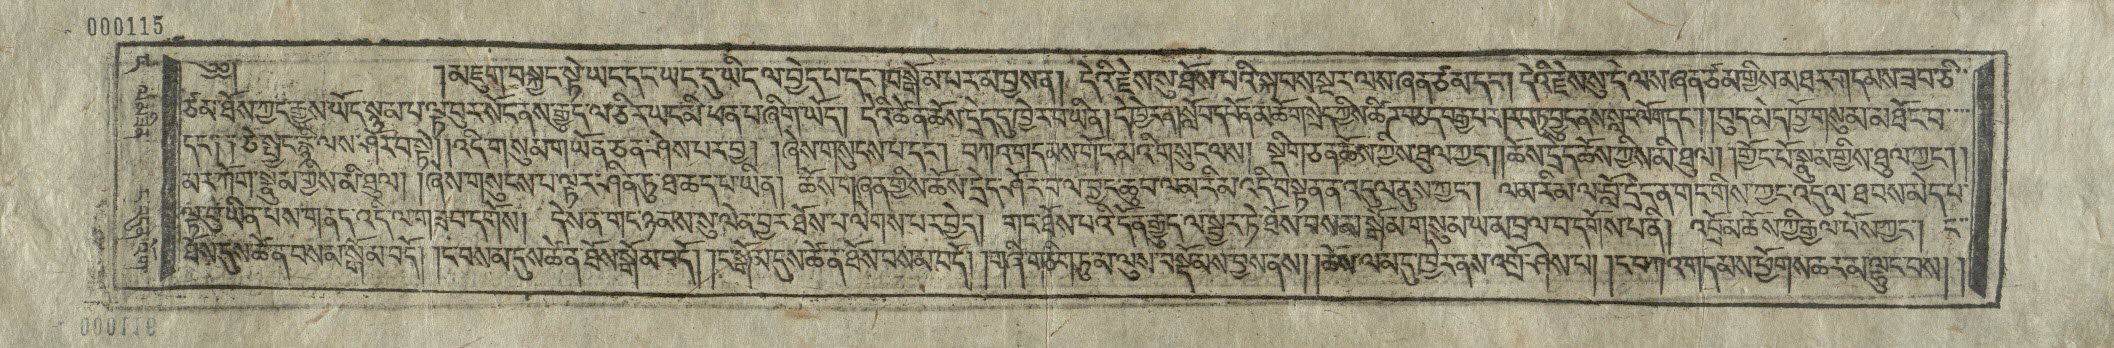༄༅། །མཇུག་བསྐྱང་སྟེ་ཡང་དང་ཡང་དུ་ཡིད་ལ་བྱེད་པ་དང་། བསྒོམ་པར་མ་བྱས་ན། དེའི་རྗེས་སུ་ཐོས་པའི་སྐབས་སྔར་ལས་ཞན་ཙམ་དང་། དེའི་རྗེས་སུ་དེ་ལས་ཞན་ཙམ་གྱིས་མཐར་གདམས་ཟབ་ཅི་
ཙམ་ཐོས་ཀྱང་རྒྱུས་ཡོད་སྙམ་པ་ལྟ་བུར་སོང་ནས་རྒྱུད་ལ་ཅིར་ཡང་མི་ཕན་པ་ཞིག་ཡོད། དེའི་ཚེ་ན་ཆོས་དྲེད་དུ་ཁྱེར་བ་ཡིན། དེ་ཁྱེར་ན། སློབ་དཔོན་མཆོག་སྲེད་ཀྱིས་ཚིགས་བཅད་བརྒྱ་པར། རབ་ཏུ་བྱུང་ནས་སླར་ལོག་དང་། །བུད་མེད་ཁྱོ་གསུམ་མཐོང་བ་
དང༑ ༑ཅེ་སྤྱང་རྙི་ལས་ཤོར་བ་སྟེ། །འདི་གསུམ་གཡོན་ཅན་ཤེས་པར་བྱ། །ཞེས་གསུངས་པ་དང་། བཀའ་གདམས་གོང་མའི་གསུང་ལས། སྡིག་ཅན་ཆོས་ཀྱིས་ཐུལ་ཀྱང་། །ཆོས་དྲེད་ཆོས་ཀྱིས་མི་ཐུལ། །གྱོང་པོ་སྣུམ་གྱིས་ཐུལ་ཀྱང་། །
མར་ཀོག་སྣུམ་གྱིས་མི་ཐུལ། །ཞེས་གསུངས་པ་ལྟར་ཤིན་ཏུ་ཐ་ཆད་པ་ཡིན། ཆོས་གཞན་གྱིས་ཆོས་དྲེད་ཤོར་བ་ལ་བྱང་ཆུབ་ལམ་རིམ་འདི་བསྟན་ན་འདུལ་ནུས་ཀྱང་། ལམ་རིམ་ལ་བློ་དྲེད་ན་གང་གིས་ཀྱང་འདུལ་ཐབས་མེད་པ་
ལྟ་བུ་ཡིན་པས་གནད་འདི་ལ་གཟབ་དགོས། དེས་ན་གང་ཉམས་སུ་ལེན་བྱར་ཐོས་པ་ལེགས་པར་བྱེད། གང་ཐོས་པའི་དོན་རྒྱུད་ལ་སྦྱར་ཏེ་ཐོས་བསམ་སྒོམ་གསུམ་ཡ་མ་བྲལ་བ་དགོས་པ་ནི། འབྲོམ་ཆོས་ཀྱི་རྒྱལ་པོས་ཀྱང་། ང་
ཐོས་དུས་ཚེ་ན་བསམ་སྒོམ་བདོ། །ང་བསམ་དུས་ཚེ་ན་ཐོས་སྒོམ་བདོ། །ང་སྒོམ་དུས་ཚེ་ན་ཐོས་བསམ་བདོ། །གཞི་གཅིག་ཏུ་མ་ལུས་བསྡོམས་བྱས་ནས། །ཆོས་ལམ་དུ་ཁྱེར་ནས་འགྲོ་ཤེས་པ། །ང་བཀའ་གདམས་ཕྱོགས་ཆར་མ་ལྷུང་བས། །